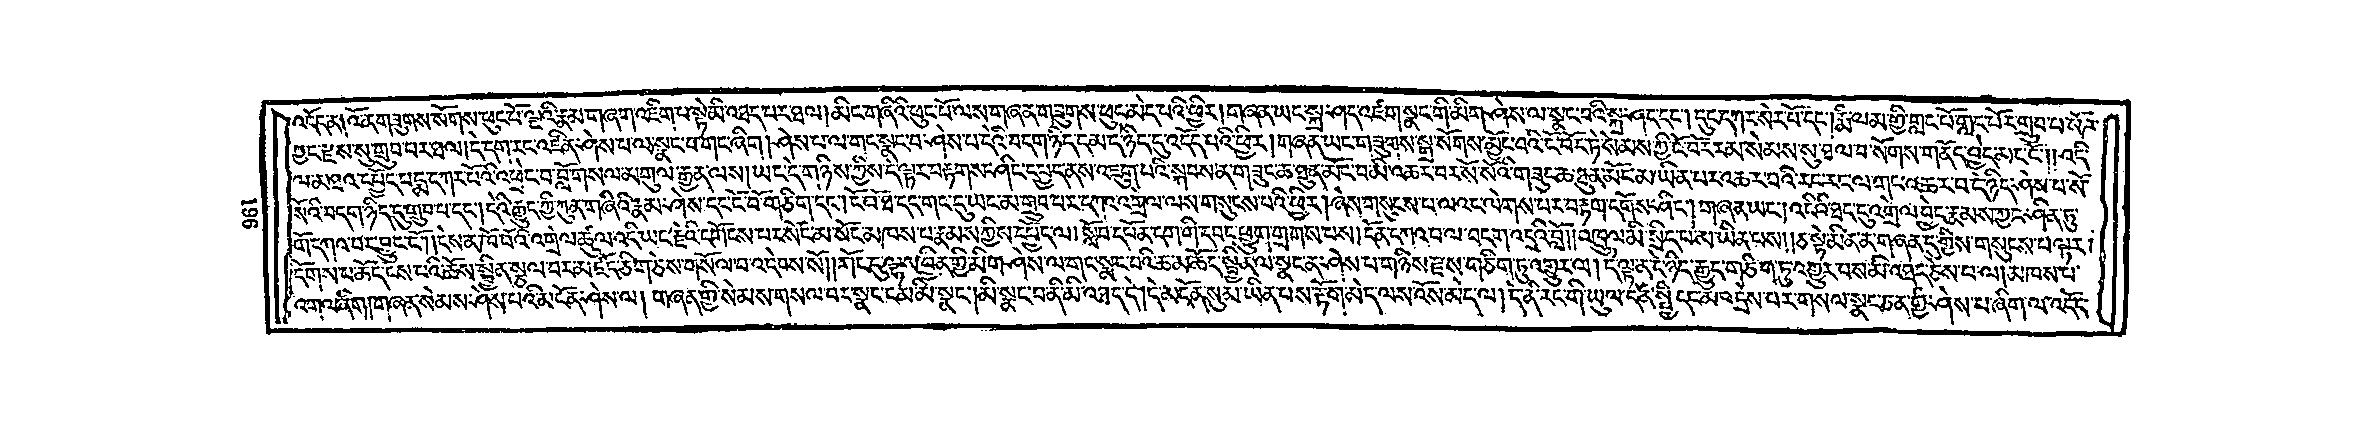འདོད་ན། འོ་ན་གཟུགས་སོགས་ཕུང་པོ་ལྔའི་རྣམ་གཞག་འཇིག་པ་སྟེ་མི་འཐད་པར་ཐལ། །མིང་གཞིའི་ཕུང་པོ་ལས་གཞན་གཟུགས་ཕུང་མེད་པའི་ཕྱིར། གཞན་ཡང་སྐྲ་ཤད་འཛག་སྣང་གི་མིག་ཤེས་ལ་སྣང་བའི་སྐྲ་ཤད་དང་། དུང་དཀར་སེར་པོ་དང་། རྨི་ལམ་གྱི་གླང་པོ་གླང་པོར་གྲུབ་པ་སོགས་
ཀྱང་རྫས་སུ་གྲུབ་པར་ཐལ། །དེ་དག་རང་འཛིན་ཤེས་པ་ལ་སྣང་བ་གང་ཞིག །ཤེས་པ་ལ་གང་སྣང་བ་ཤེས་པ་དེའི་བདག་ཉིད་དམ་དེ་ཉིད་དུ་འདོད་པའི་ཕྱིར། གཞན་ཡང་གཟུགས་སྒྲ་སོགས་མྱོང་བའི་ངོ་བོར་ཏེ་སེམས་ཀྱི་ངོ་བོར་རམ་སེམས་སུ་ཐལ་བ་སོགས་གནོད་བྱེད་མང་ངོ། །འདི་
ལ་མཐའ་དཔྱོད་པདམ་དཀར་པོའི་འཕྲེང་བ་བློ་གསལ་མགུལ་རྒྱན་ལས། ཡང་དེ་གཉིས་ཀྱིས་དེ་ལྟར་བརྟགས་ཤིང་དཔྱད་ནས་འཇུག་པའི་སྐབས་ན་གཟུང་ཆ་ཐུན་མོང་བ་མི་འཆར་བར་སོ་སོའི་གཟུང་ཆ་ཐུན་མོང་མ་ཡིན་པར་འཆར་བའི་རང་རང་ལ་གང་འཆར་བ་དེ་ཉིད་ཤེས་པ་སོ་
སོའི་བདག་ཉིད་དུ་གྲུབ་པ་དང་། དེའི་རྒྱུད་ཀྱི་ཀུན་གཞིའི་རྣམ་ཤེས་དང་ངོ་བོ་གཅིག་དང་། ངོ་བོ་ཐ་དད་གང་དུ་ཡང་མ་གྲུབ་པར་དཀའ་འགྲེལ་ལས་གསུངས་པའི་ཕྱིར། ཞེས་གསུངས་པ་ལའང་ལེགས་པར་བརྟག་དགོས་ཤིང་། གཞན་ཡང་། འདིའི་ཐད་དུ་འགྲེལ་བྱེད་རྣམས་ཀྱང་ཤིན་ཏུ་
གོ་དཀའ་བར་བྱུང་ངོ། །དེས་ན་ཁོ་བོའི་འགྲེལ་ཚུལ་འདི་ཡང་རྗེའི་དགོངས་པར་སོང་མ་སོང་མཁས་པ་རྣམས་ཀྱིས་དཔྱོད་ལ། སློབ་དཔོན་དག་གི་དབང་ཕྱུག་གྲགས་པས། དོན་དཀའ་བ་ལ་བདག་འདྲའི་བློ། །འཁྲུལ་མི་སྲིད་པ་མ་ཡིན་པས། །ཅ་སྟེ་མིན་ན་གཞན་དུ་གྱིས་གསུངས་པ་ལྟར།
དོགས་པ་ཆོད་ངེས་པའི་ཆོས་སྦྱིན་སྩལ་བར་མཛོད་ཅིག་ཅེས་གསོལ་བ་འདེབས་སོ། །གོང་དུ་ལྷས་བྱིན་གྱི་མི་གཤེས་ལ་གང་སྨད་བའི་ཆ་མཆོད་སྦྱིན་ལ་སྣང་ན་ཤེས་པ་གཉིས་རྫས་གཅིག་ཏུ་འགྱུར་ལ། དེ་ལྟ་ན་དེ་ཉིད་རྒྱུད་གཅིག་ཏུ་འགྱུར་བས་མི་འཐད་ཅེས་པ་ལ། མཁས་པ་
འགའ་ཞིག །གཞན་སེམས་ཤེས་པའི་མངོན་ཤེས་ལ། གཞན་གྱི་སེམས་གསལ་བར་སྣང་ངམ་མི་སྣང་། མི་སྣང་བ་ནི་མི་འཐད་དེ། དེ་མངོན་སུམ་ཡིན་པས་རྟོག་མེད་ལས་འོས་མེད་ལ། དེ་ནི་རང་གི་ཡུལ་དོན་སྤྱི་དང་མ་འདྲེས་པར་གསལ་སྣང་ཅན་གྱི་ཤེས་པ་ཞིག་ལ་འདོད་